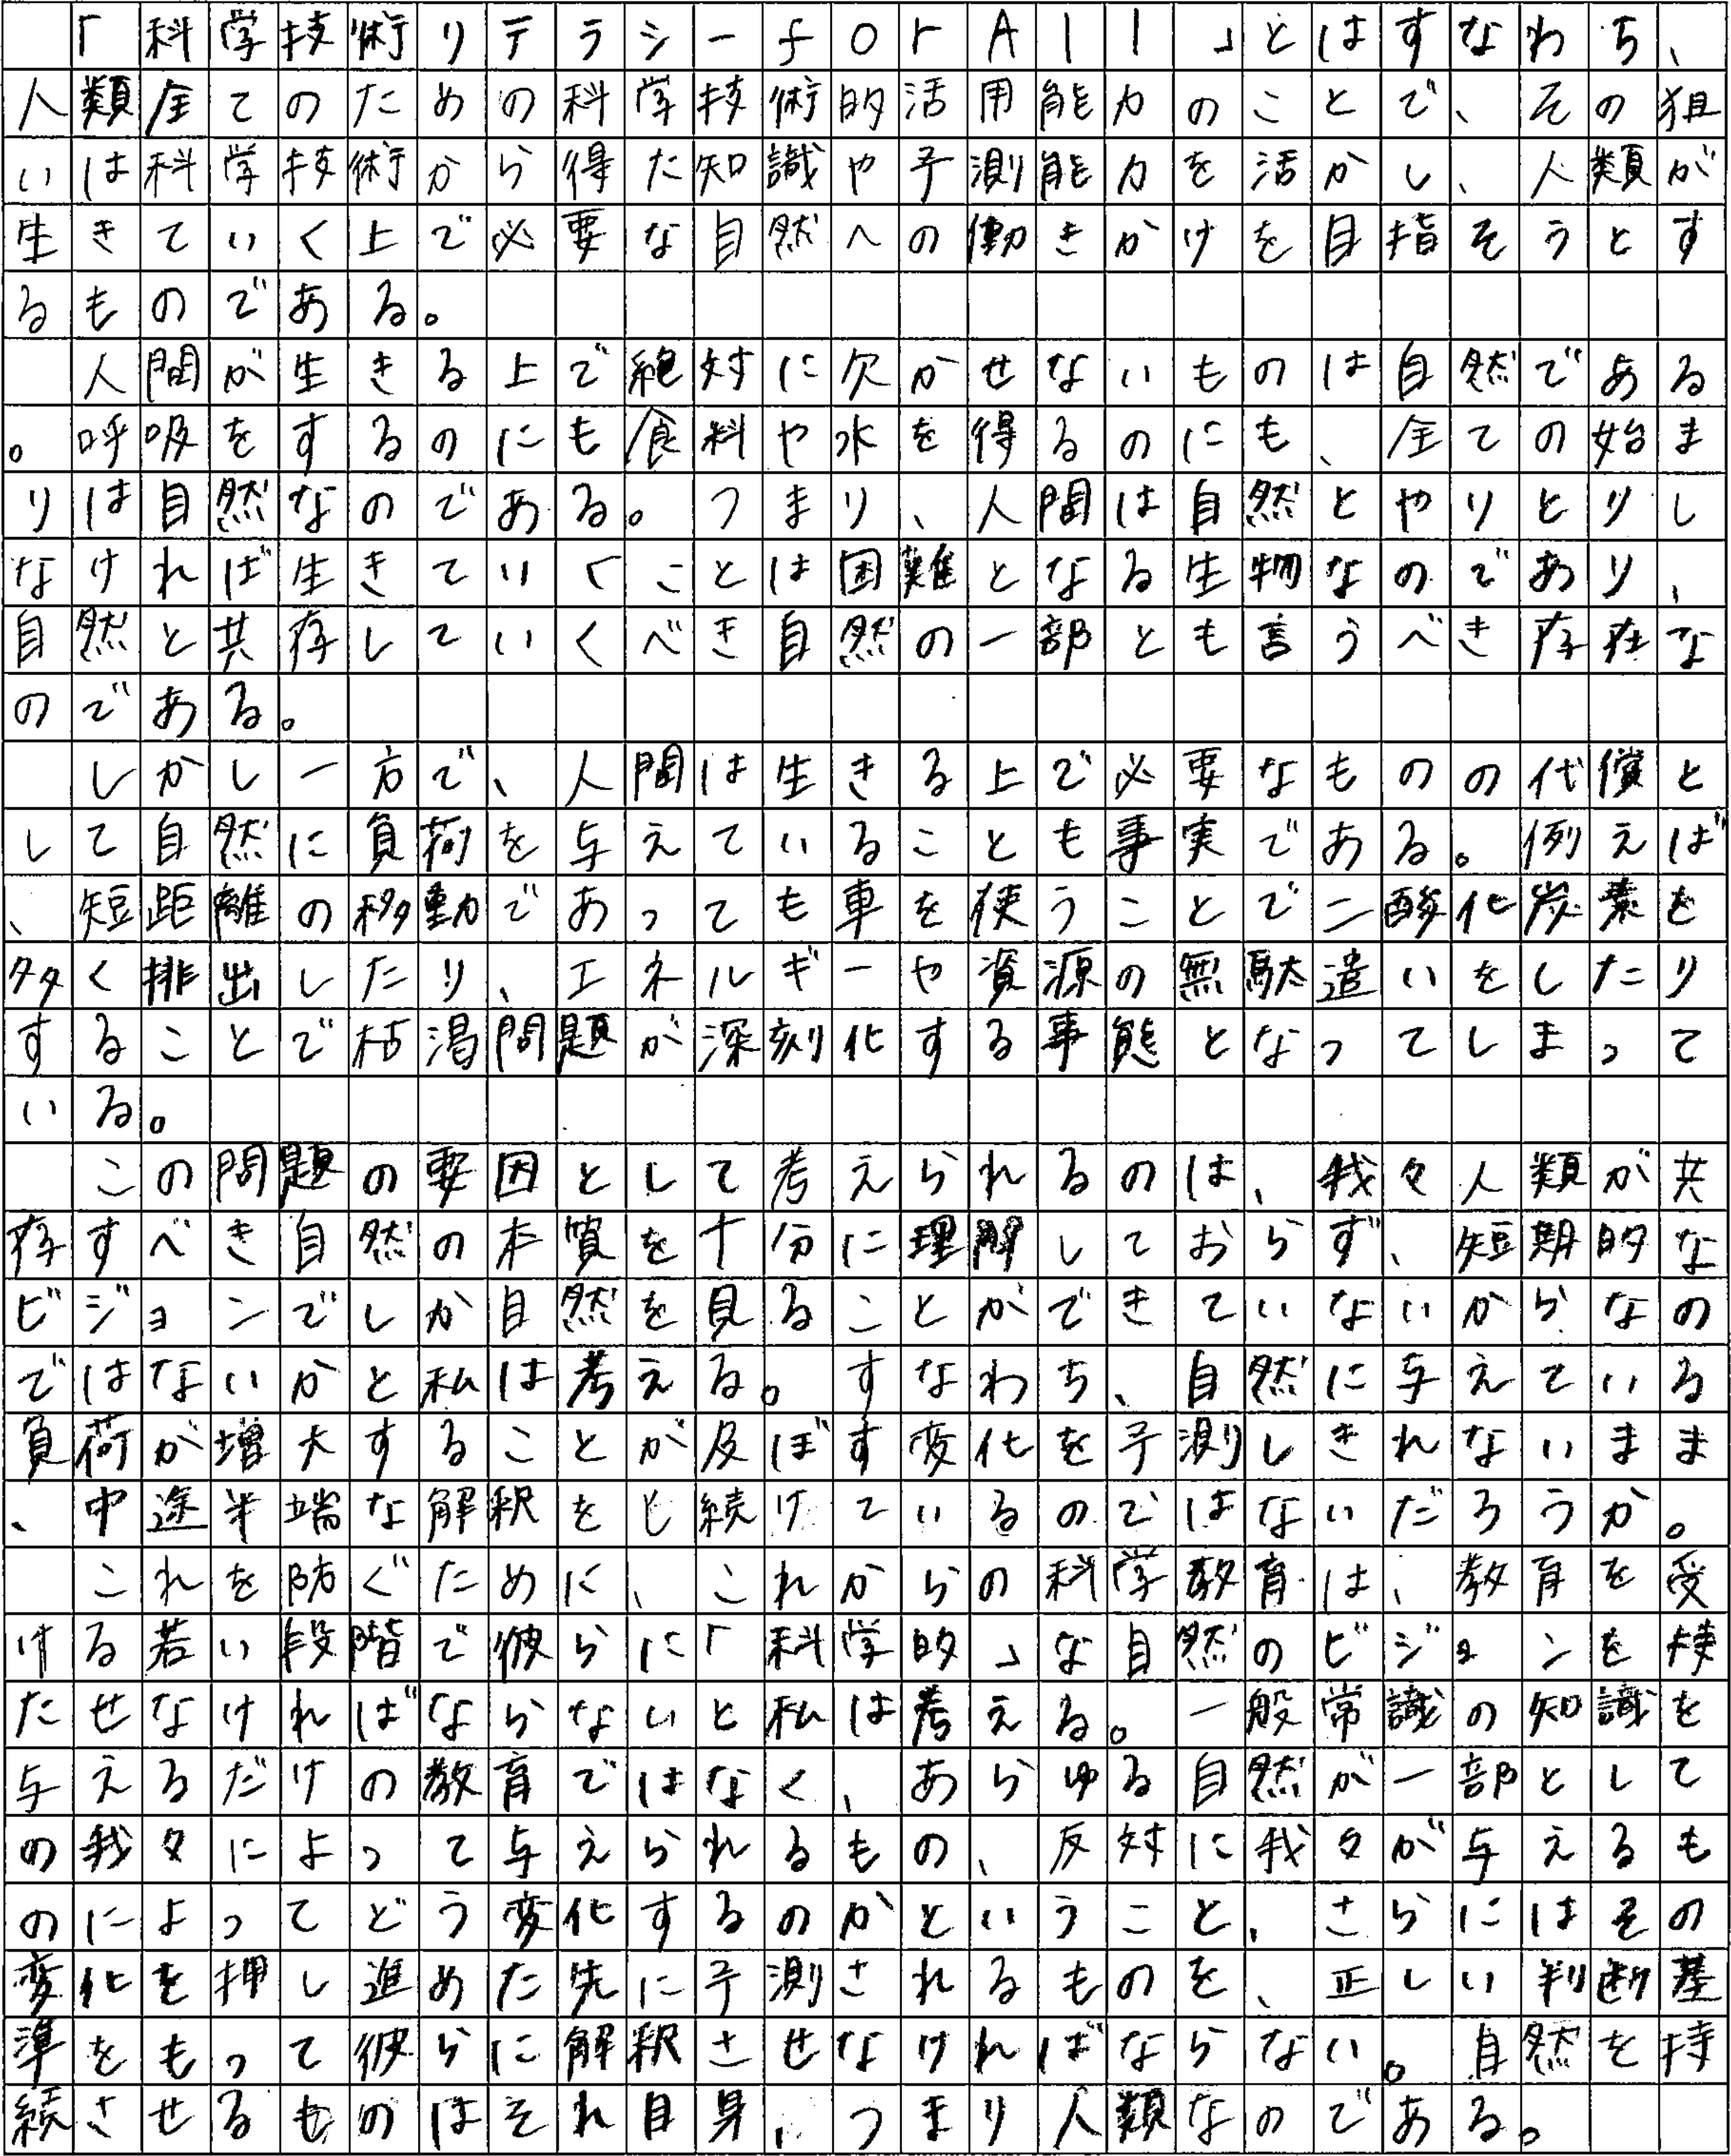　「科学技術リテラシーｆｏｒＡｌｌ」とはすなわち、人類全てのための科学技術的活用能力のことで、その狙いは科学技術から得た知識や予測能力を活かし、人類が生きていく上で必要な自然への働きかけを目指そうとするものである。
　人間が生きる上で絶対に欠かせないものは自然である。呼吸をするのにも食料や水を得るのにも、全ての始まりは自然なのである。つまり、人間は自然とやりとりしなければ生きていくことは困難となる生物なのであり、自然と共存していくべき自然の一部とも言うべき存在なのである。
　しかし一方で、人間は生きる上で必要なものの代償として自然に負荷を与えていることも事実である。例えば、短距離の移動であっても車を使うことで二酸化炭素を多く排出したり、エネルギーや資源の無駄遣いをしたりすることで枯渇問題が深刻化する事態となってしまっている。
　この問題の要因として考えられるのは、我々人類が共存すべき自然の本質を十分に理解しておらず、短期的なビジョンでしか自然を見ることができていないからなのではないかと私は考える。すなわち、自然に与えている負荷が増大することが及ぼす変化を予測しきれないまま、中途半端な解釈をし続けているのではないだろうか。
　これを防ぐために、これからの科学教育は、教育を受ける若い段階で彼らに「科学的」な自然のビジョンを持たせなければならないと私は考える。一般常識の知識を与えるだけの教育ではなく、あらゆる自然が一部としての我々によって与えられるもの、反対に我々が与えるものによってどう変化するのかということ、さらにはその変化を押し進めた先に予測されるものを、正しい判断基準をもって彼らに解釈させなければならない。自然を持続させるものはそれ自身、つまり人類なのである。
